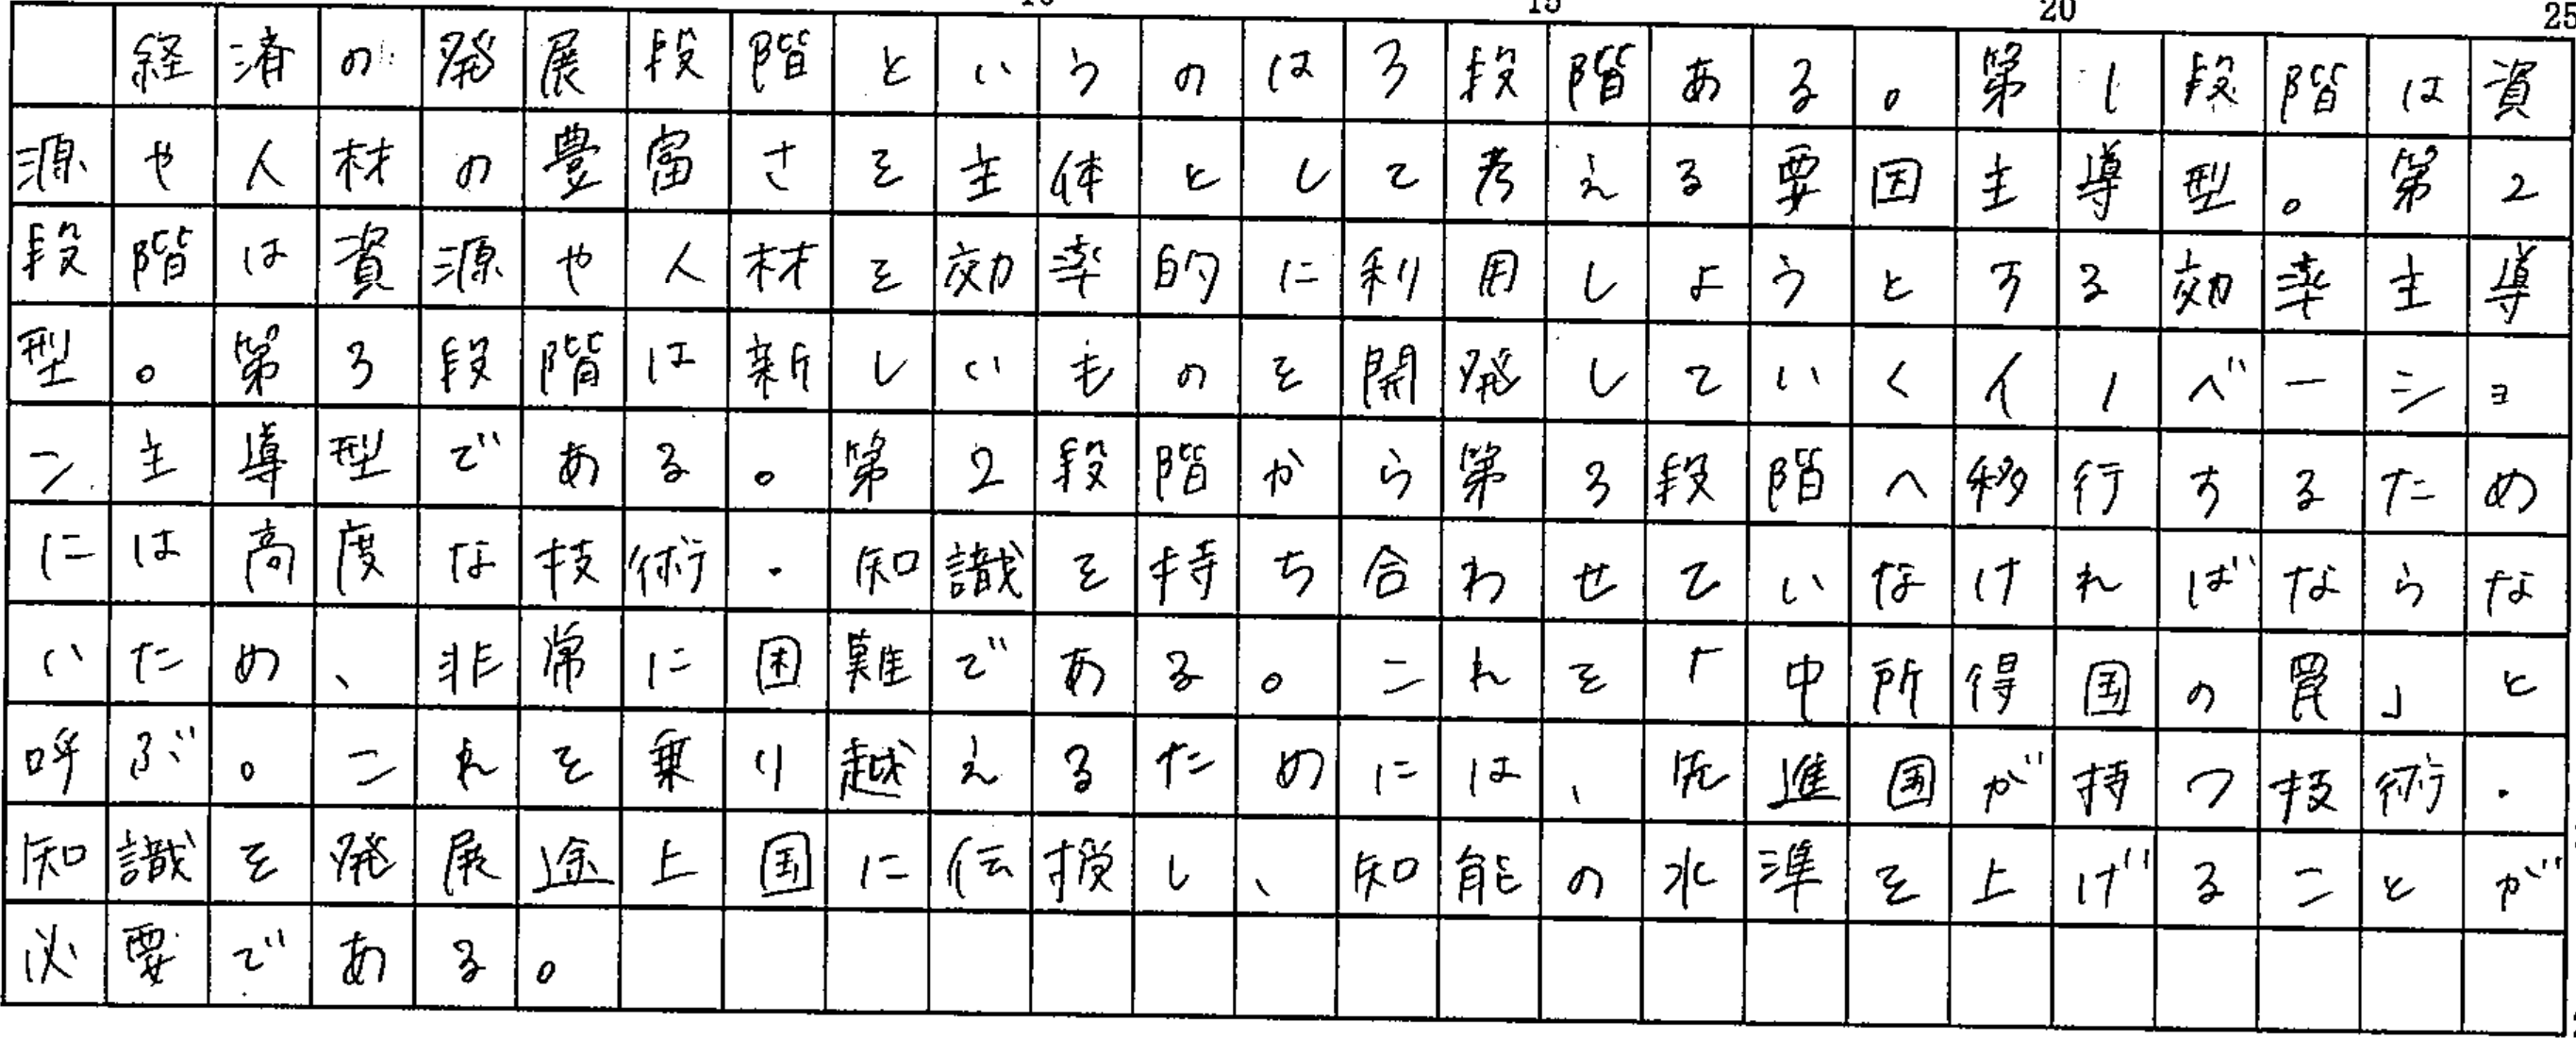　経済の発展段階というのは３段階ある。第１段階は資源や人材の豊富さを主体として考える要因主導型。第２段階は資源や人材を効率的に利用しようとする効率主導型。第３段階は新しいものを開発していくイノベーション主導型である。第２段階から第３段階へ移行するためには高度な技術・知識を持ち合わせていなければならないため、非常に困難である。これを「中所得国の罠」と呼ぶ。これを乗り越えるためには、先進国が持つ技術・知識を発展途上国に伝授し、知能の水準を上げることが必要である。
